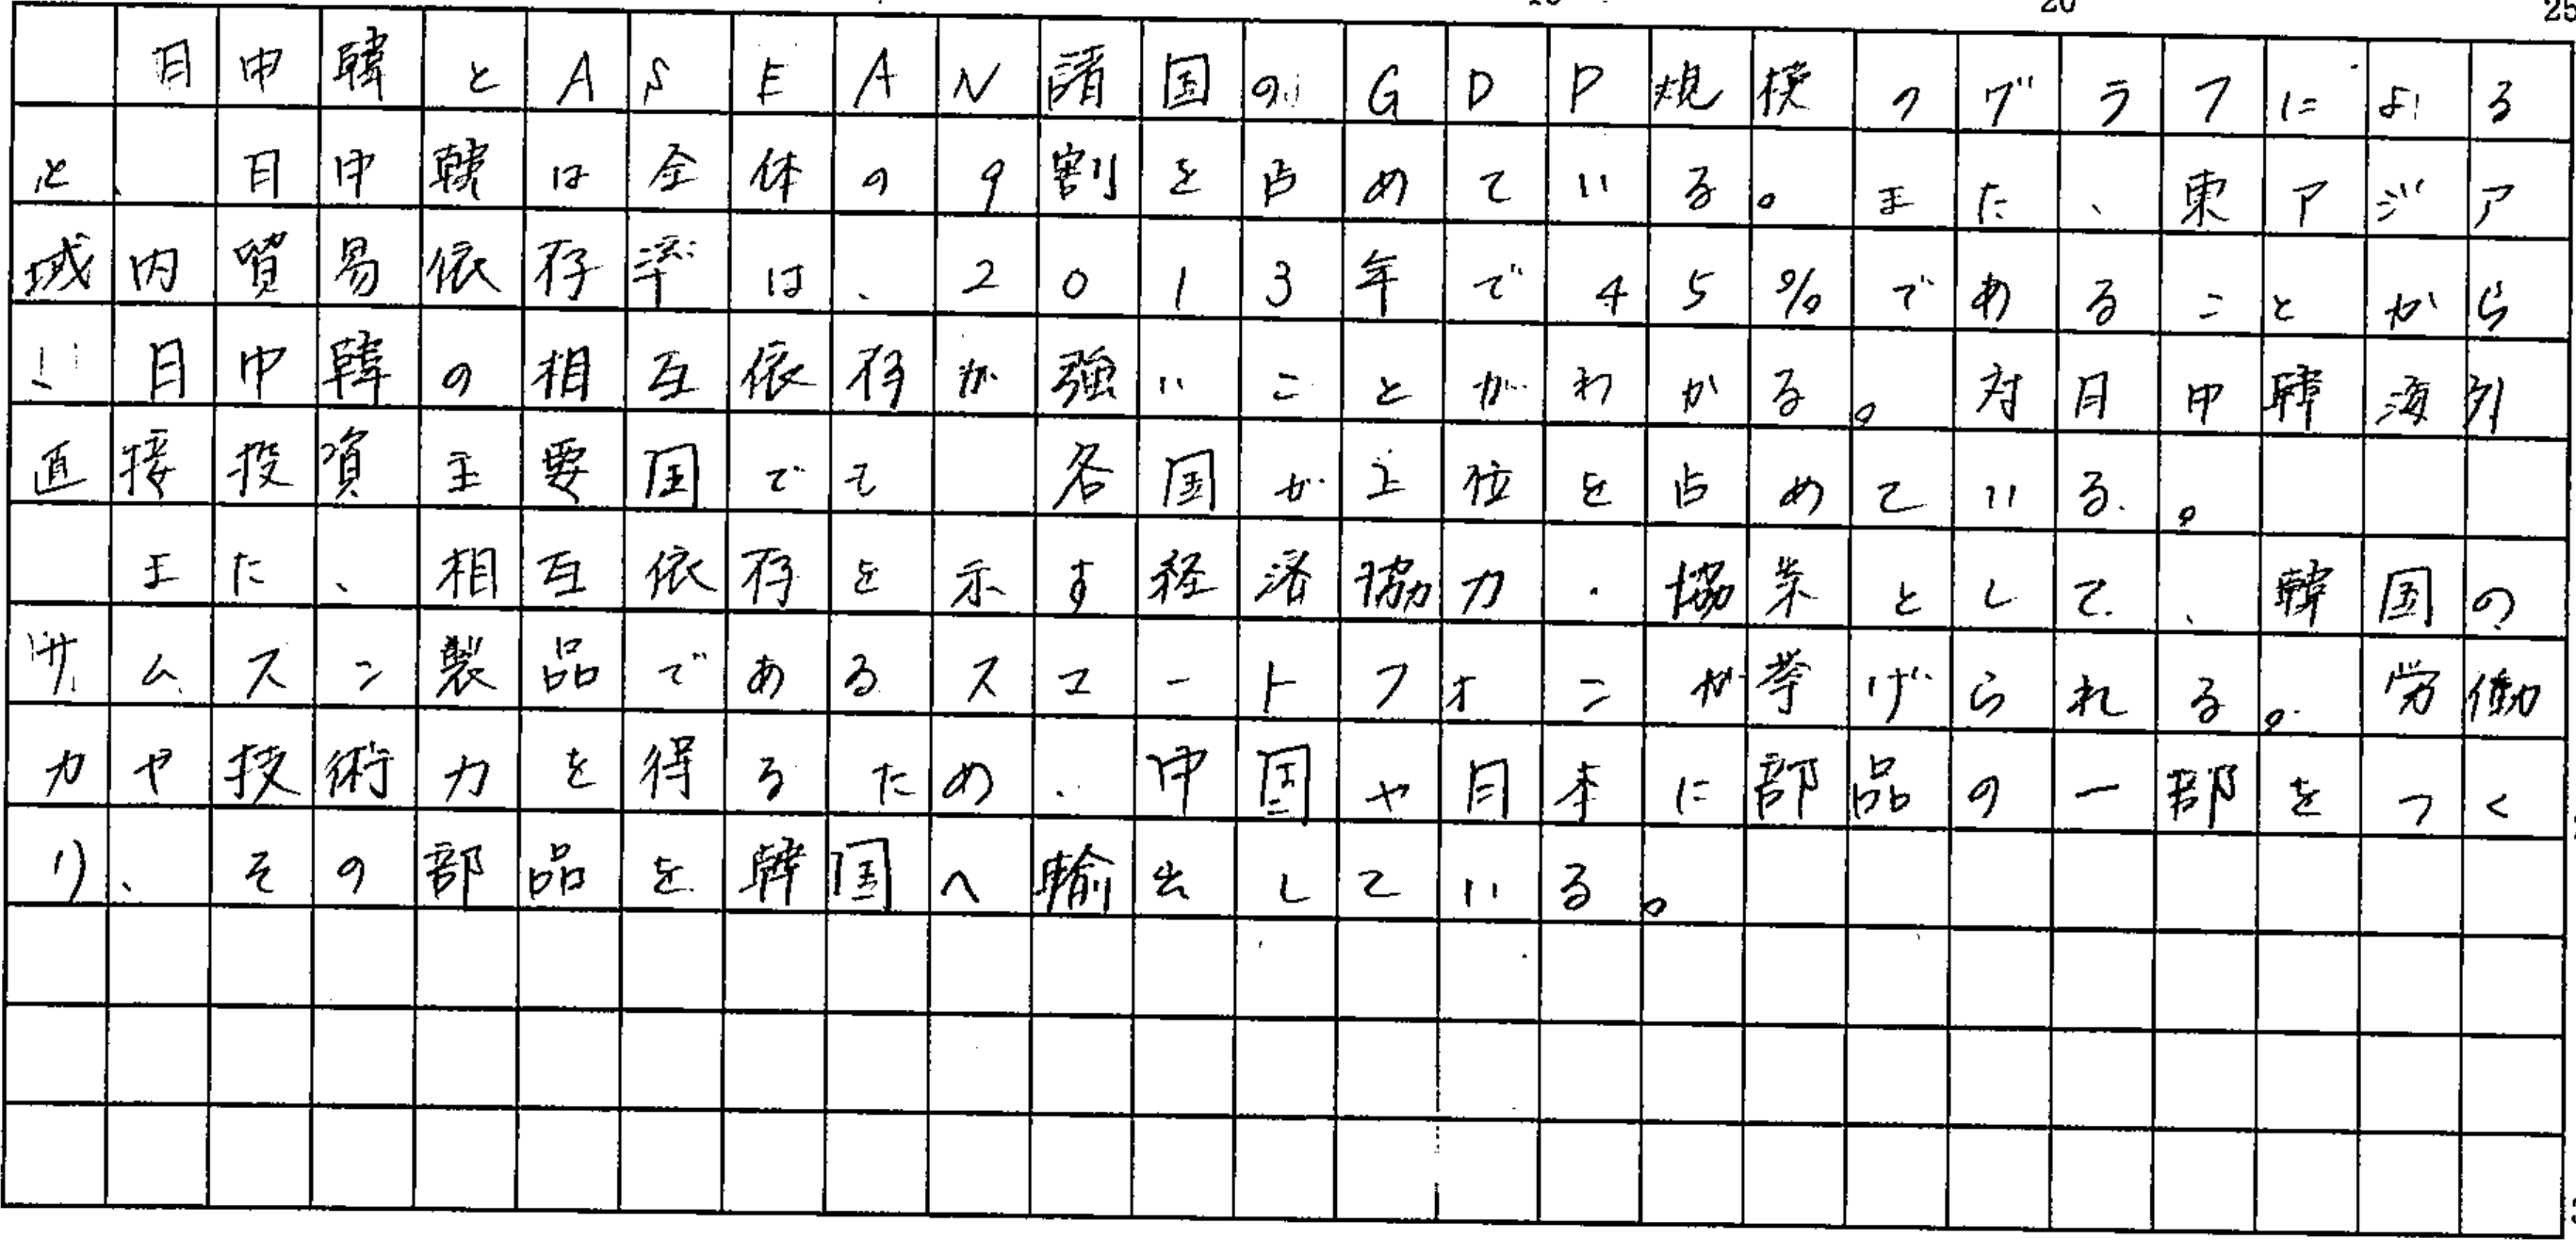　日中韓とＡＳＥＡＮ諸国のＧＤＰ規模のグラフによると、日中韓は全体の９割を占めている。また、東アジア域内貿易依存率は、２０１３年で４５％であることから、日中韓の相互依存が強いことがわかる。対日中韓海外直接投資主要国でも　各国が上位を占めている。
　また、相互依存を示す経済協力・協業として、韓国のサムスン製品であるスマートフォンが挙げられる。労働力や技術力を得るため、中国や日本に部品の一部をつくり、その部品を韓国へ輸出している。
